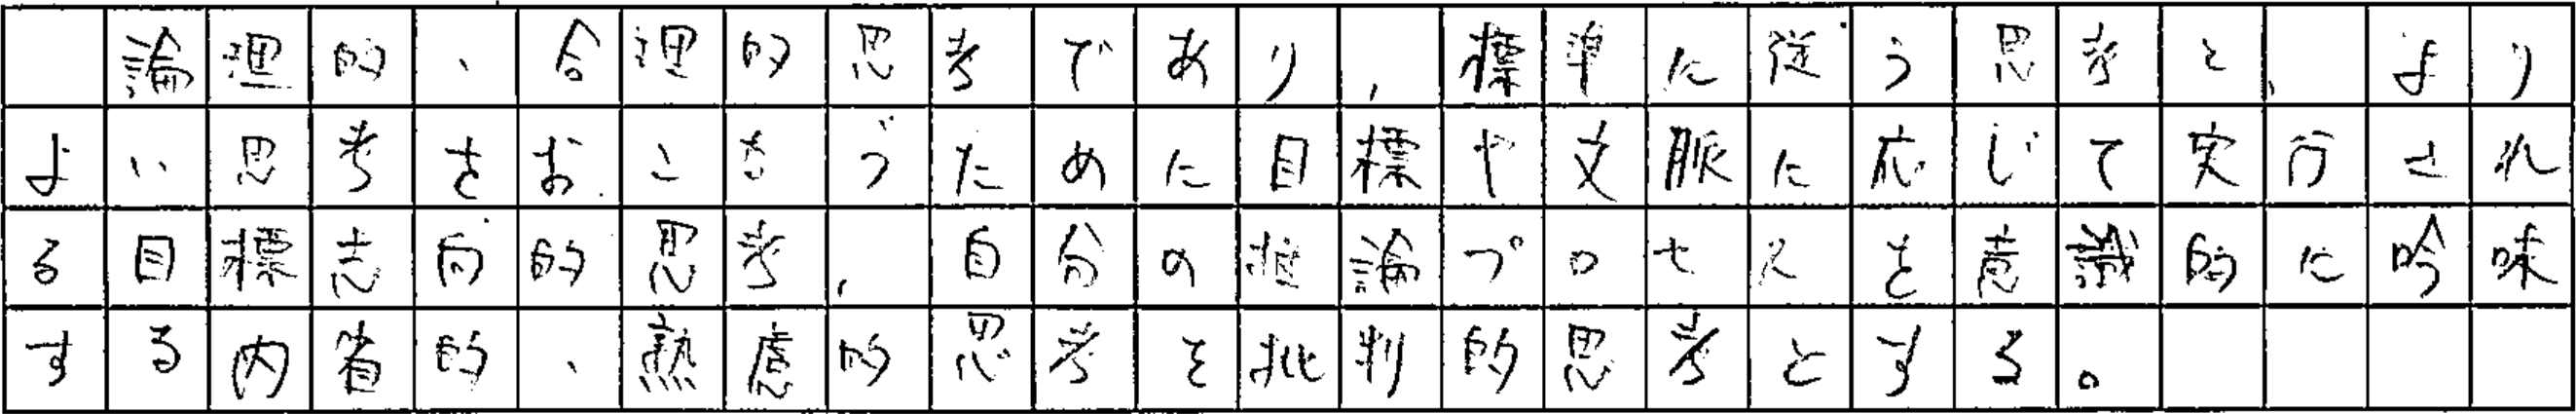　論理的・合理的思考であり、標準に従う思考と、よりよい思考をおこなうために目標や文脈に応じて実行される目標志向的思考、自分の推論プロセスを意識的に吟味する内省的・熟慮的思考を批判的思考とする。
